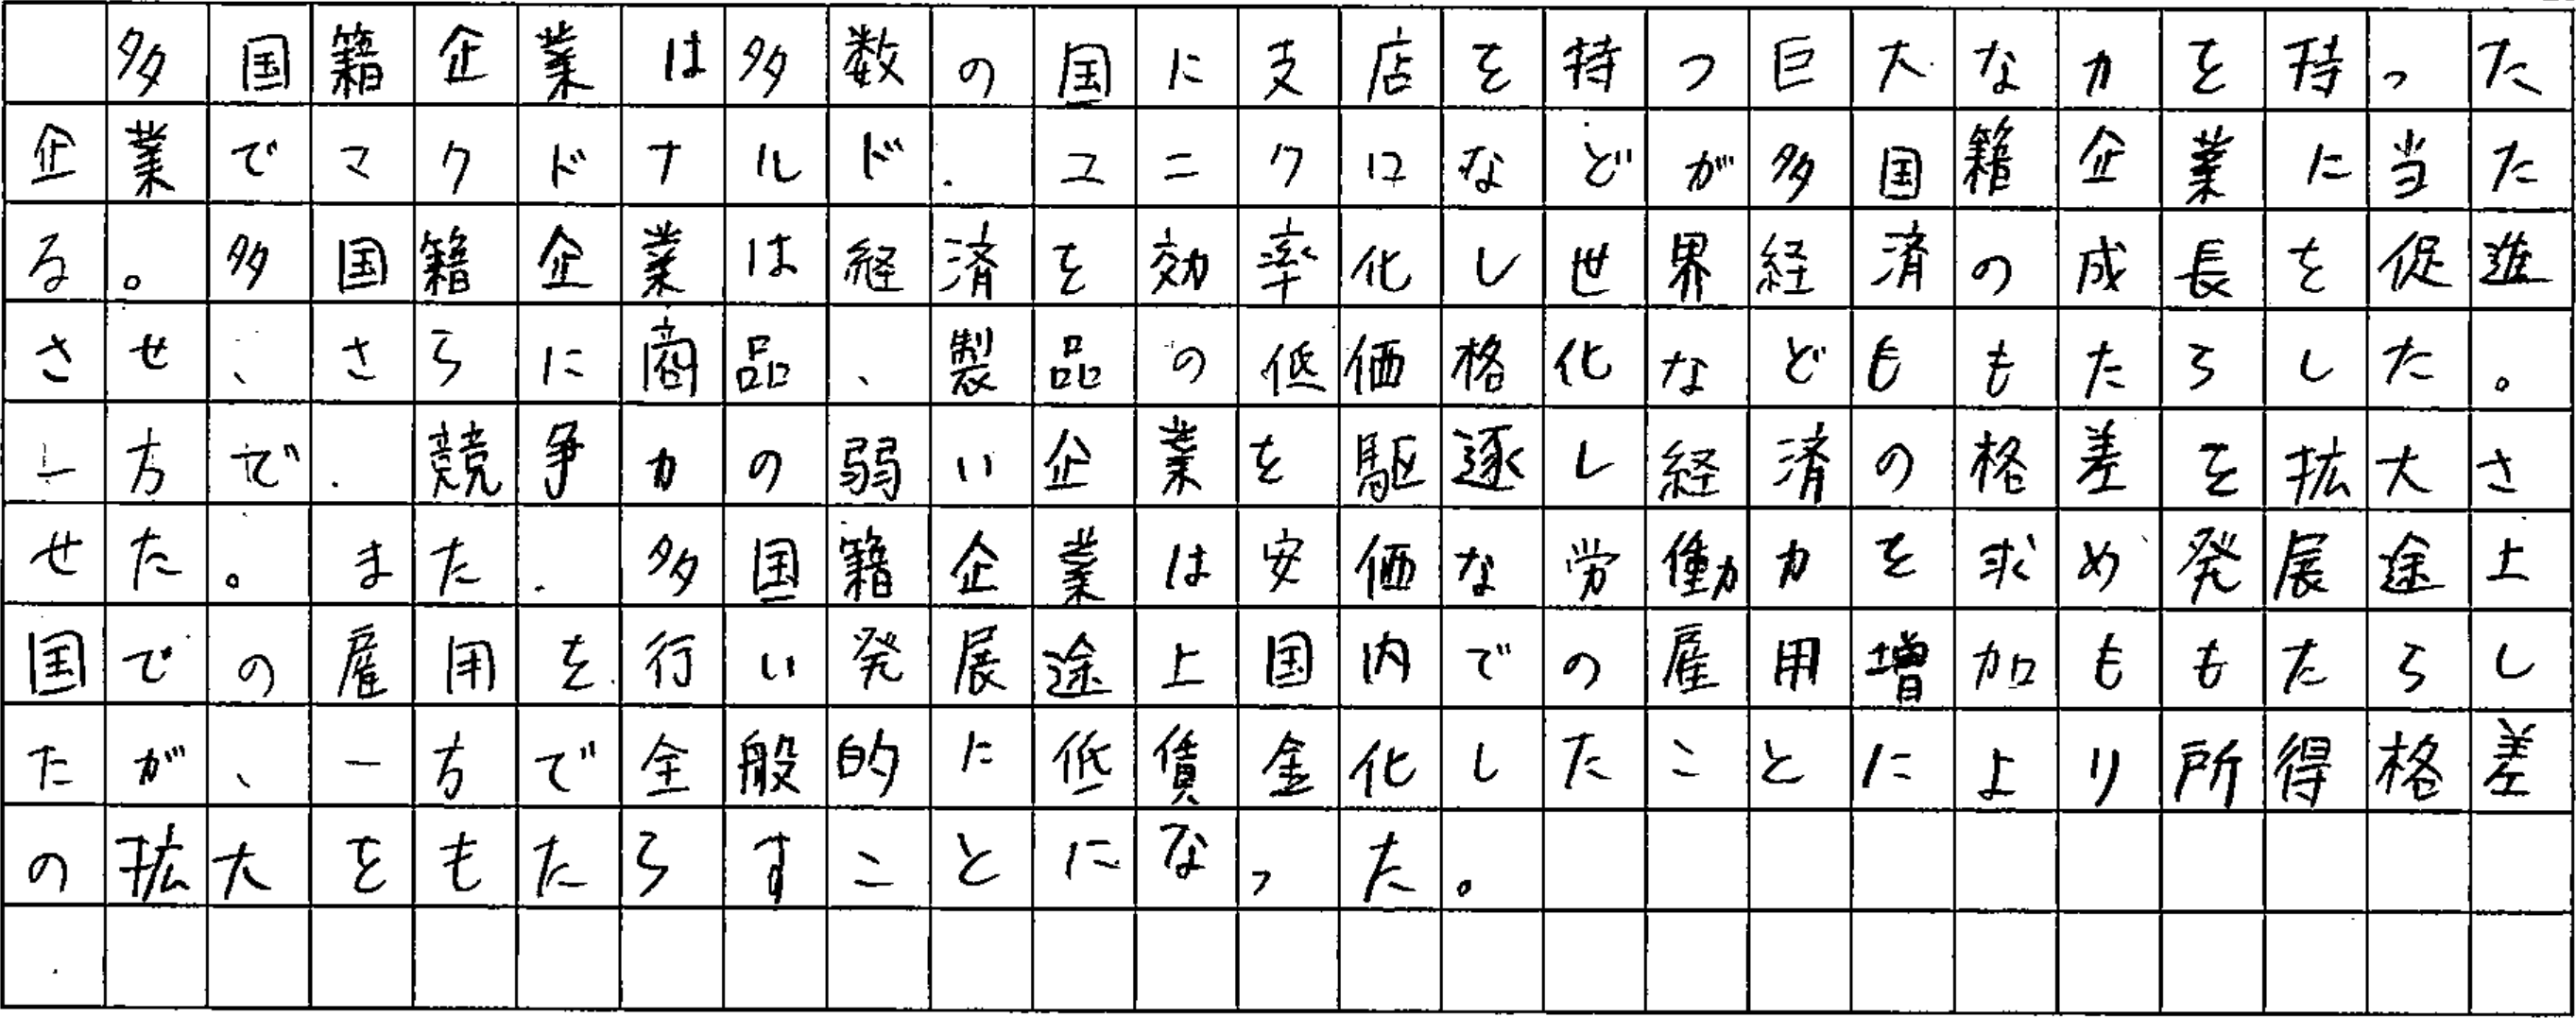　多国籍企業は多数の国に支店を持つ巨大な力を持った企業でマクドナルド、ユニクロなどが多国籍企業に当たる。多国籍企業は経済を効率化し世界経済の成長を促進させ、さらに商品、製品の低価格化などももたらした。一方で、競争力の弱い企業を駆逐し経済の格差を拡大させた。また、多国籍企業は安価な労働力を求め発展途上国での雇用を行い発展途上国内での雇用増加ももたらしたが、一方で全般的に低賃金化したことにより所得格差の拡大をもたらすことになった。
